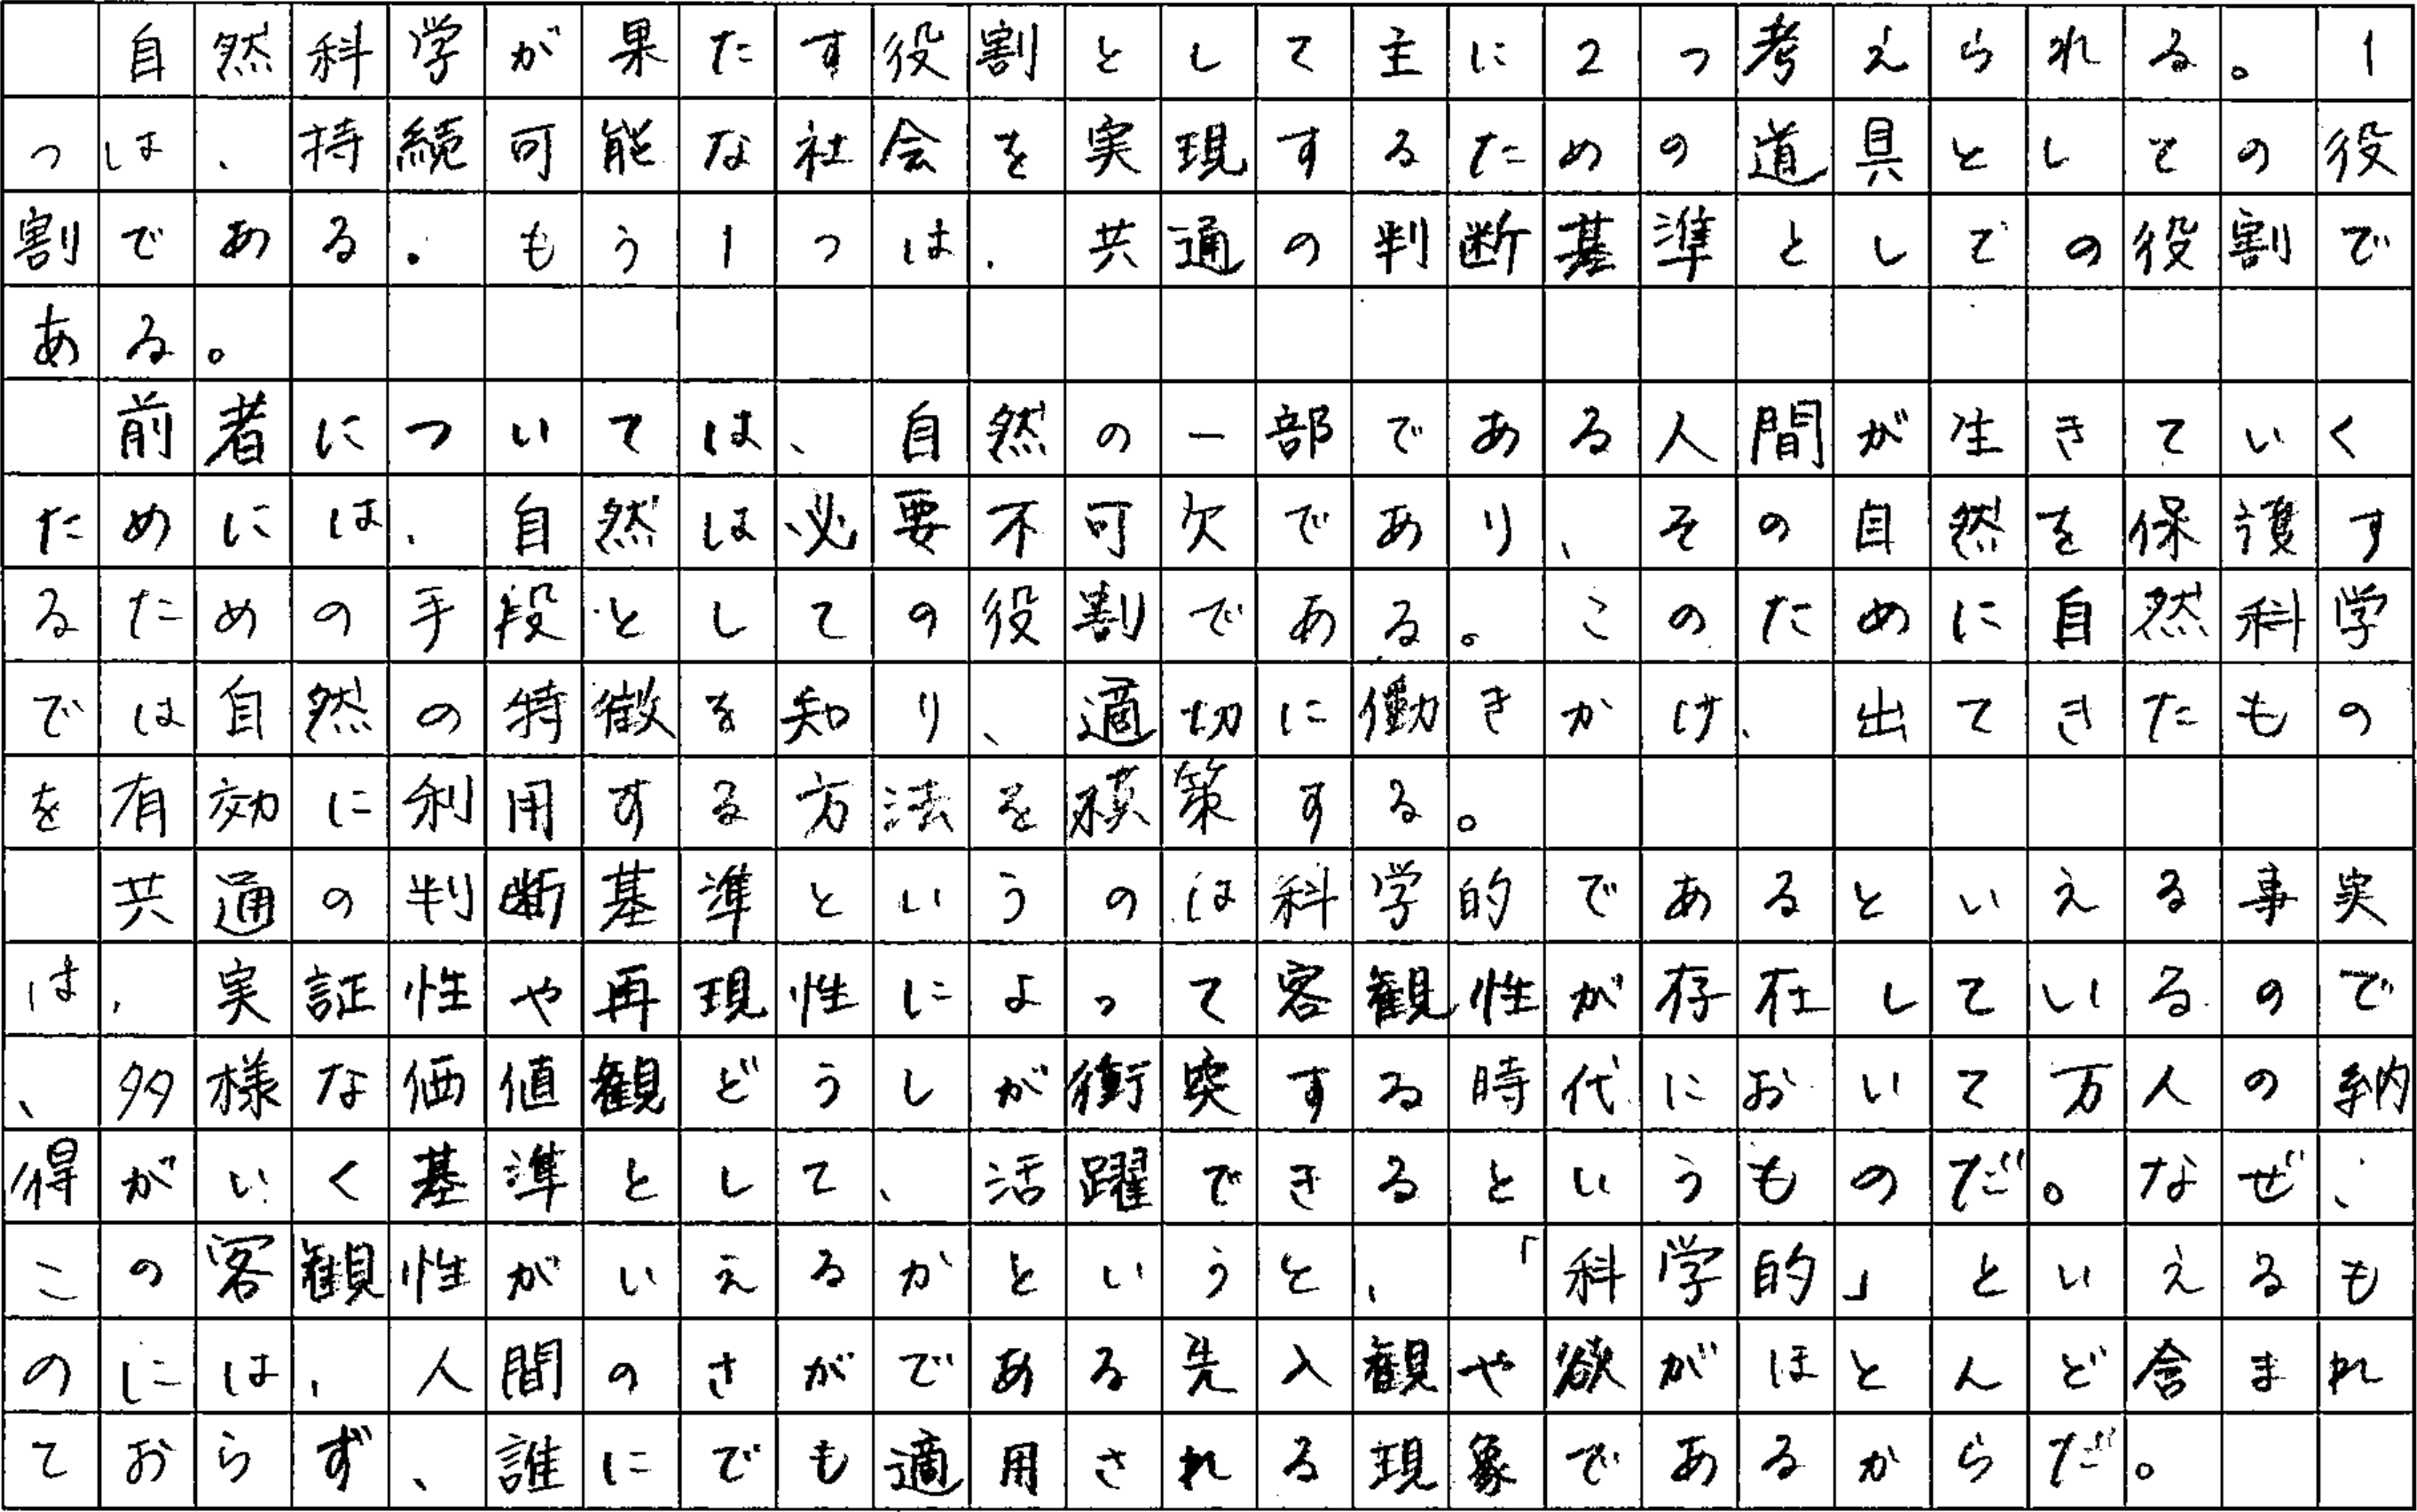自然科学が果たす役割として主に２つ考えられる。１つは、持続可能な社会を実現するための道具としての役割である。もう一つは、共通の判断基準としての役割である。前者については、自然の一部である人間が生きていくためには、自然は必要不可欠であり、その自然を保護するための手段としての役割である。このために自然科学では自然の特徴を知り、適切に働きかけ、出てきたものを有効に利用する方法を模索する。共通の判断基準というのは科学的であるといえる事実は、実証性や再現性によって客観性が存在しているので、多様な価値観同士が衝突する時代において万人の納得がいく基準として、活躍できるというものだ。なぜ、この客観性がいえるかというと、「科学的」といえるものには、人間のさがである先入観や欲がほとんど含まれておらず、だれにでも適用される現象であるからだ。
